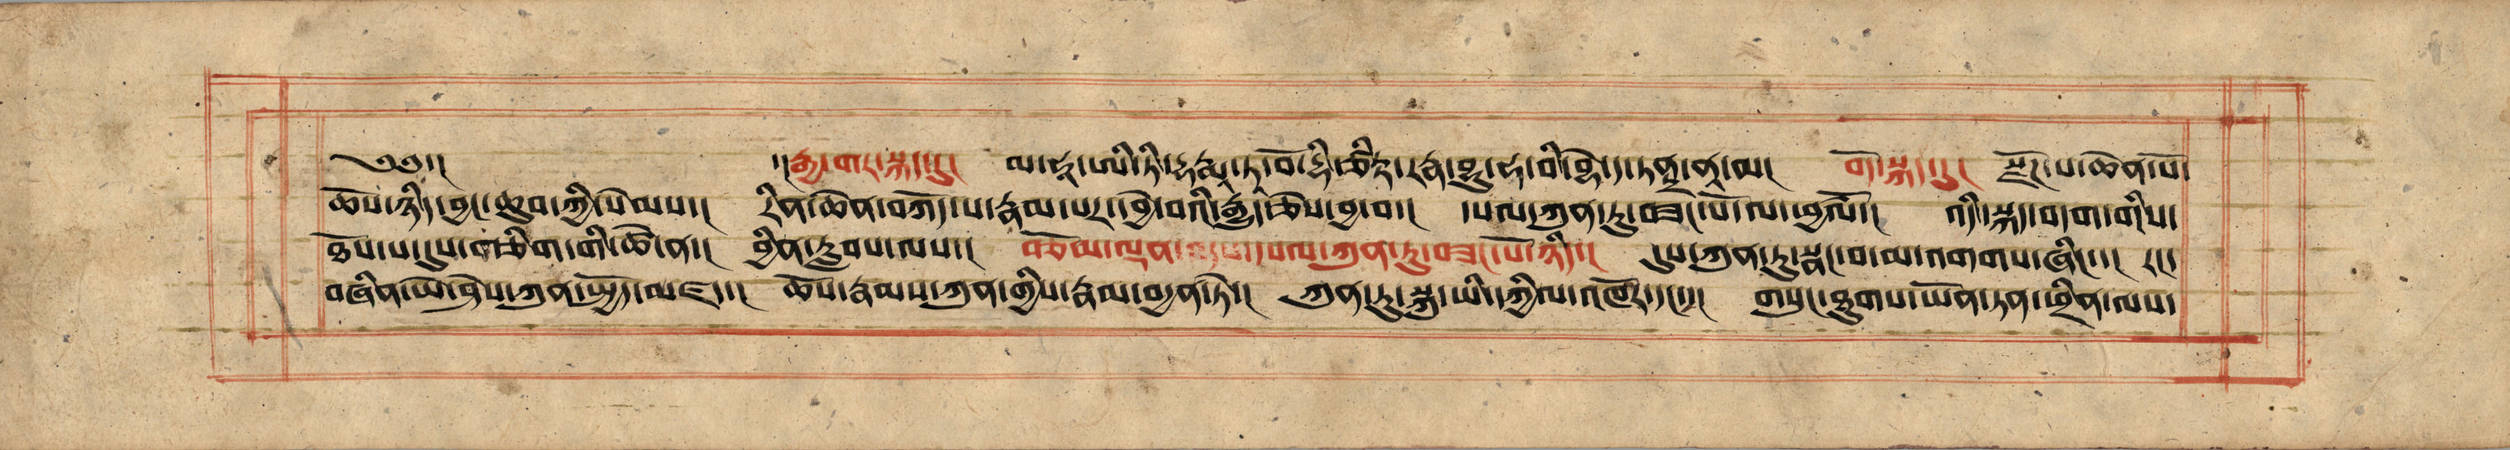༄༅་། ་།རྒྱ་གར་སྐད་དུ། མ་ཧཱ་ཨི་ཏི་ཌྷརྨཱ་ཏཱ་བོ་ཌྷི་ཙིཏྟ་རཏྣ་བྷུ་ཧ་བི་བྷེ་ད་ཏནྟྲ་ནཱ་མ། བོད་སྐད་དུ། སྫོཌ་པ་ཆེན་པོ་
ཆོས་ཉིད་བྱང་ཆུབ་ཀྱི་སེམས་། རིན་ཆེན་བཀོད་པ་རྣམ་པར་དབྱེ་བའི་རྒྱུད་ཅེས་བྱ་བ་། དཔལ་ཀུན་ཏུ་བཟང་པོ་ལ་ཕྱཚལོ་། འདི་སྐད་བདག་གིས་
ཐོས་པ་དུས་གཅིག་གི་ཚེ་ན་། བྱིན་རླབས་ལས་། བཅོམ་ལྡན་འདས་དཔལ་ཀུན་ཏུ་བཟང་པོ་ཉིད་། དུས་ཀུན་ཏུ་སྣང་བ་མ་འགགས་ཞིང་་། རང་
བཞིན་ཡེ་ཤེས་ཀུན་སྤྱོད་མཛད་། ཆོས་རྣམས་ཀུན་གྱིས་རྣམ་བདྱན་་ཏེ་། ཀུན་ཏུ་སྐུ་ཡི་དཀྱིལ་འཁོར་དང་་། གསུང་ཐུགས་ཡོན་ཏན་ཕྲིན་ལས་